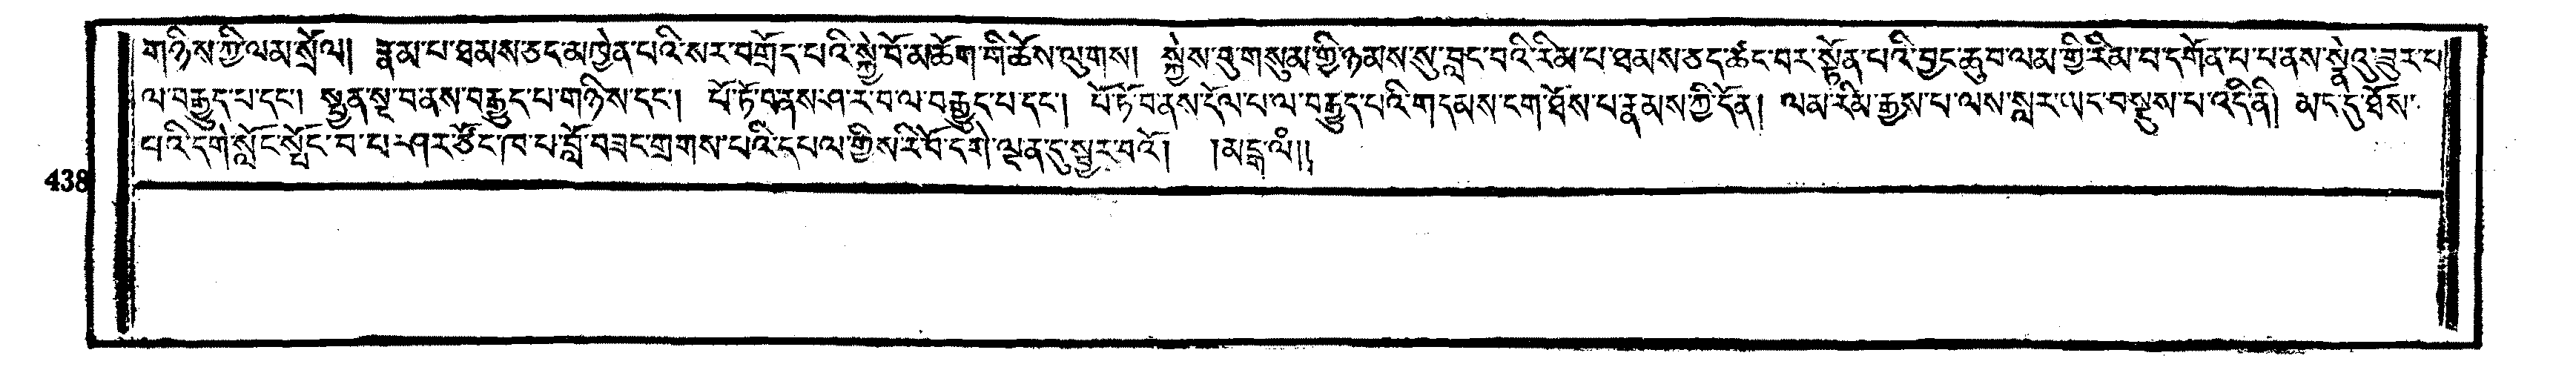གཉིས་ཀྱི་ལམ་སྲོལ། རྣམ་པ་ཐམས་ཅད་མཁྱེན་པའི་སར་བགྲོད་པའི་སྐྱེ་བོ་མཆོག་གི་ཆོས་ལུགས། སྐྱེས་བུ་གསུམ་གྱི་ཉམས་སུ་བླང་བའི་རིམ་པ་ཐམས་ཅད་ཚང་བར་སྟོན་པའི་བྱང་ཆུབ་ལམ་གྱི་རིམ་པ་དགོན་པ་པ་ནས་སྣེའུ་ཟུར་པ་
ལ་བརྒྱུད་པ་དང་། སྤྱན་སྔ་བ་ནས་བརྒྱུད་པ་གཉིས་དང་། པོ་ཏོ་བ་ནས་ཤ་ར་བ་ལ་བརྒྱུད་པ་དང་། པོ་ཏོ་བ་ནས་དོལ་པ་ལ་བརྒྱུད་པའི་གདམས་ངག་ཐོས་པ་རྣམས་ཀྱི་དོན། ལམ་རིམ་རྒྱས་པ་ལས་སླར་ཡང་བསྡུས་པ་འདི་ནི། མང་དུ་ཐོས་
པའི་དགེ་སློང་སྤོང་བ་པ་ཤར་ཙོང་ཁ་པ་བློ་བཟང་གྲགས་པའི་དཔལ་གྱིས་རི་བོ་དགེ་ལྡན་དུ་སྦྱར་བའོ། །མངྒ་ལཾ།།